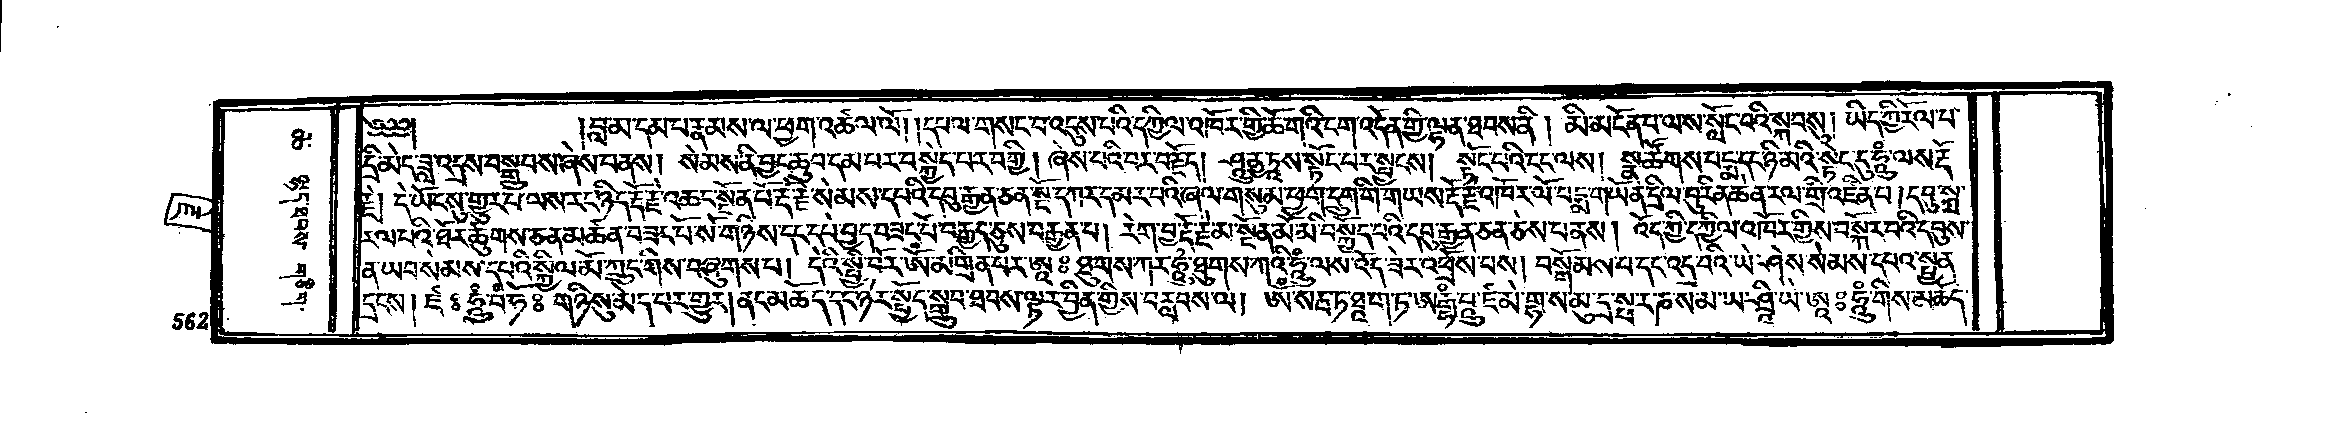༄༅༅། །བླ་མ་དམ་པ་རྣམས་ལ་ཕྱག་འཚལ་ལོ། །དཔལ་གསང་བ་འདུས་པའི་དཀྱིལ་འཁོར་གྱི་ཆོ་གའི་ངག་འདོན་གྱི་ལྷན་ཐབས་ནི། མི་མངོན་པ་ལས་སློང་བའི་སྐབས་སུ། ཡིད་ཀྱི་རོལ་པ་
དྲི་མེད་ཟླ་འདྲས་བསྒྲུབས་ཞེས་པ་ནས། སེམས་ནི་བྱང་ཆུབ་དམ་པར་བསྐྱེད་པར་བགྱི། ཞེས་པའི་བར་བརྗོད། ཤཱུ་ནྱ་ཏཱས་སྟོང་པར་སྦྱངས། སྟོང་པའི་ངང་ལས། སྣ་ཚོགས་པདམ་དང་ཉི་མའི་སྟེང་དུ་ཧཱུཾ་ལས་རྡོ་
རྗེ། དེ་ཡོངས་སུ་གྱུར་པ་ལས་རང་ཉིད་རྡོ་རྗེ་འཆང་སྔོན་པོ་རྡོ་རྗེ་སེམས་དཔའི་དབུ་རྒྱན་ཅན་སྔོ་དཀར་དམར་པའི་ཞལ་གསུམ་ཕྱག་དྲུག་གི་གཡས་རྡོ་རྗེ་འཁོར་ལོ་པདམ་གཡོན་དྲིལ་བུ་རིན་ཆེན་རལ་གྲི་འཛིན་པ། དབུ་སྐྲ་
རལ་པའི་ཐོར་ཚུགས་ཅན་མཚན་བཟང་པོ་སོ་གཉིས་དང་དཔེ་བྱད་བཟང་པོ་བརྒྱད་ཅུས་བརྒྱན་པ། རེག་བྱ་རྡོ་རྗེ་མ་སྔོན་མོ་མི་བསྐྱོད་པའི་དབུ་རྒྱན་ཅན་ཅེས་པ་ནས། འོད་ཀྱི་དཀྱིལ་འཁོར་གྱིས་བསྐོར་བའི་དབུས་
ན་ཡབ་སེམས་དཔའི་སྐྱིལ་མོ་ཀྲུང་གིས་བཞུགས་པ། དེའི་སྤྱི་བོར་ཨོཾ་མགྲིན་པར་ཨཱཿ ཐུགས་ཀར་ཧཱུཾ་ཐུགས་ཀའི་ཧཱུཾ་ལས་འོད་ཟེར་འཕྲོས་པས། བསྒོམས་པ་དང་འདྲ་བའི་ཡེ་ཤེས་སེམས་དཔའ་སྤྱན་
དྲངས། ཛཿ ཧཱུཾ་བ་ཧོཿ གཉིས་སུ་མེད་པར་གྱུར། ནང་མཆོད་དང་ཉེར་སྤྱོད་སྒྲུབ་ཐབས་ལྟར་བྱིན་གྱིས་བརླབས་ལ། ཨོཾ་སརྦ་ཏ་ཐཱ་ག་ཏ་ཨརྒྷཾ་པཱུ་ཛ་མེ་གྷ་ས་མུ་དྲ་སྥ་ར་ཎ་ས་མ་ཡ་ཤྲཱི་ཡེ་ཨཱཿ ཧཱུཾ་གིས་མཆོད་?